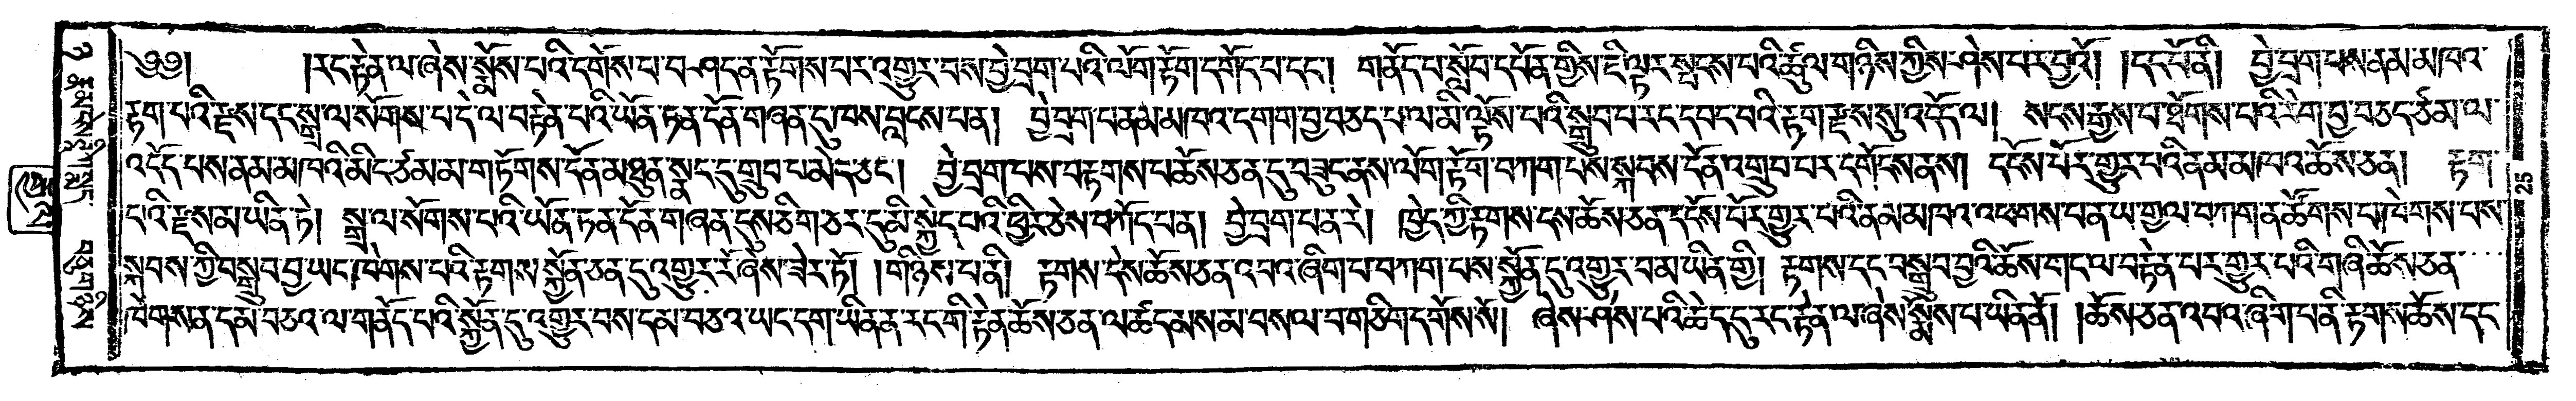༄༅། །རང་རྟེན་ལ་ཞེས་སྨོས་པའི་དགོས་པ་བཤད་ན་རྟོགས་པར་འགྱུར་པས་བྱེ་བྲག་པའི་ལོག་རྟོག་དགོད་པ་དང་། གནོད་པ་སློབ་དཔོན་གྱིས་ཇི་ལྟར་སྤངས་པའི་ཚུལ་གཉིས་ཀྱིས་ཤེས་པར་བྱའོ། །དང་པོ་ནི། བྱེ་བྲག་པས་ནམ་མཁའ་
རྟག་པའི་རྫས་དང་སྒྲ་ལ་སོགས་པ་དེ་ལ་བརྟེན་པའི་ཡོན་ཏན་དོན་གཞན་དུ་ཁས་བླངས་པ་ན། བྱེ་བྲག་པ་ནམ་མཁའ་དགག་བྱ་བཅད་པ་ལ་མི་ལྟོས་པའི་སྒྲུབ་པ་རང་དབང་བའི་རྟག་རྫས་སུ་འདོད་ལ། སངས་རྒྱས་པ་ཐོགས་པའི་རེག་བྱ་བཅད་ཙམ་ལ་
འདོད་པས་ནམ་མཁའི་མིང་ཙམ་མ་གཏོགས་དོན་མཐུན་སྣང་དུ་གྲུབ་པ་མེད་ཅང་། བྱེ་བྲག་པས་བརྟགས་པ་ཆོས་ཅན་དུ་བཟུང་ནས་ལོག་རྟོག་བཀག་པས་སྐབས་དོན་འགྲུབ་པར་དགོངས་ནས། དངོས་པོར་གྱུར་པའི་ནམ་མཁའ་ཆོས་ཅན། རྟག་
པའི་རྫས་མ་ཡིན་ཏེ། སྒྲ་ལ་སོགས་པའི་ཡོན་ཏན་དོན་གཞན་དུས་ཅིག་ཅར་དུ་མི་སྐྱེད་པའི་ཕྱིར་ཅེས་བཀོད་པ་ན། བྱེ་བྲག་པ་ན་རེ། ཁྱེད་ཀྱི་རྟགས་གནས་ཆོས་ཅན་དངོས་པོར་གྱུར་པའི་ནམ་མཁའ་འཕགས་པ་ན་ཡ་གྱལ་བཀག་ན་ཚོགས་པ་ཁེགས་པས་
སྐབས་ཀྱི་བསྒྲུབ་བྱ་ཡང་ཁེགས་པའི་རྟགས་སྐྱོན་ཅན་དུ་འགྱུར་རོ་ཞེས་ཟེར་ཏོ། །གཉིས་པ་ནི། རྟགས་དེས་ཆོས་ཅན་འབའ་ཞིག་པ་བཀག་པས་སྐྱོན་དུ་འགྱུར་བ་མ་ཡིན་གྱི། རྟགས་དང་བསྒྲུབ་བྱའི་ཆོས་གང་ལ་བརྟེན་པར་གྱུར་པའི་གཞི་ཆོས་ཅན་
ཁེགས་ན་དམ་བཅའ་ལ་གནོད་པའི་སྐྱོན་དུ་འགྱུར་བས་དམ་བཅའ་ཡང་དག་ཡིན་ན་རང་གི་རྟེན་ཆོས་ཅན་ལ་ཚད་མས་མ་བསལ་བ་གཅིག་དགོས་སོ། ཞེས་ཤེས་པའི་ཆེད་དུ་རང་རྟེན་ལ་ཞེས་སྨོས་པ་ཡིན་ནོ། །ཆོས་ཅན་འབའ་ཞིག་པ་ནི་རྟགས་ཆོས་དང་